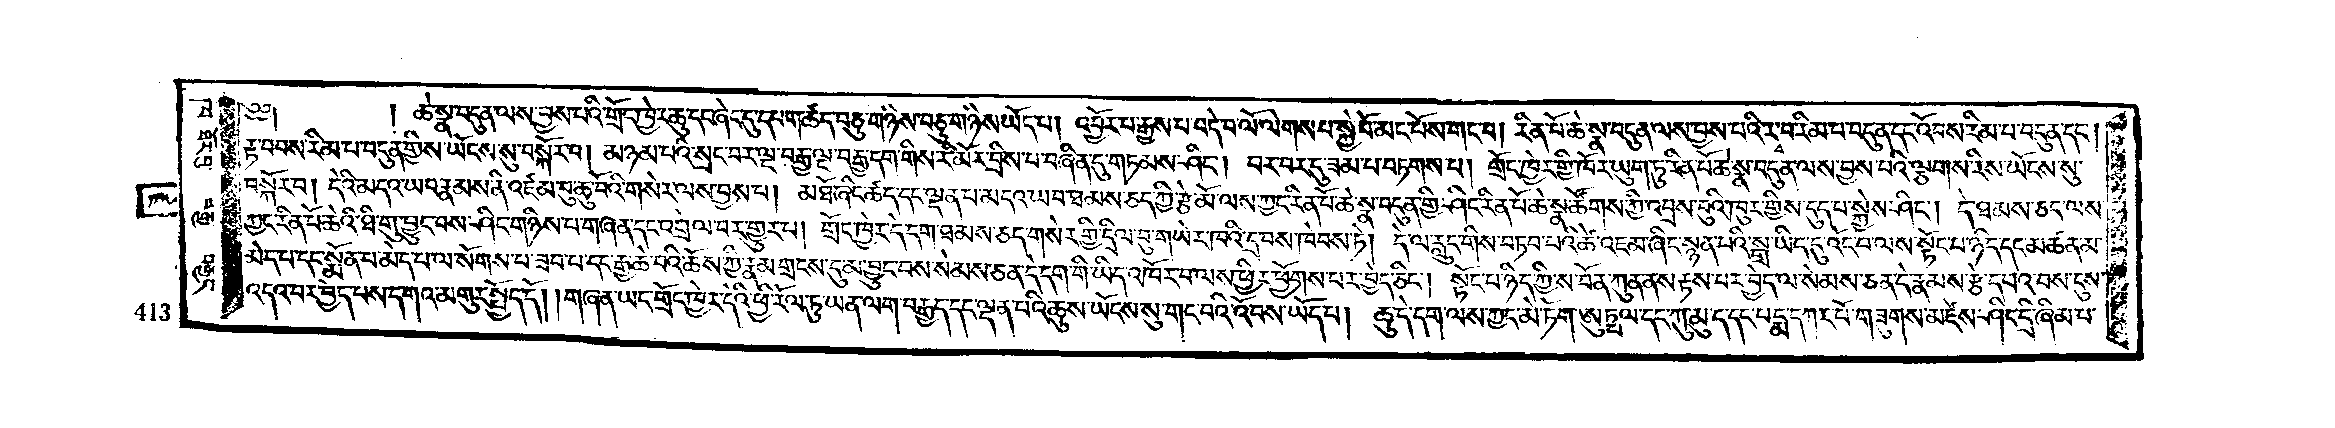༄༅། །ཆེ་སྣ་བདུན་ལས་བྱས་པའི་གྲོང་ཁྱེར་ཆུ་དང་ཞེང་དུ་དཔག་ཚད་བཅུ་གཉིས་བཅུ་གཉིས་ཡོད་པ། འབྱོར་པ་རྒྱས་པ་བདེ་བ་ལོ་ལེགས་པ་སྐྱེ་བོ་མང་པོས་གང་བ། རིན་པོ་ཆེ་སྣ་བདུན་ལས་བྱས་པའི་རྭ་བ་རིམ་པ་བདུན་དང་འོབས་རིམ་པ་བདུན་དང་།
རྟ་བབས་རིམ་པ་བདུན་གྱིས་ཡོངས་སུ་བསྐོར་བ། མཉམ་པའི་སྲང་བར་ལྔ་བརྒྱ་ལྔ་བརྒྱ་དག་གིས་རི་མོར་བྲིས་པ་བཞིན་དུ་གཏམས་ཤིང་། བར་བར་དུ་ཟབ་པ་བཏགས་པ། གྲོང་ཁྱེར་གྱི་ཁེར་ཡུག་ཏུ་རིན་པོ་ཆེ་སྣ་བདུན་ལས་བྱས་པའི་ལྕགས་རིས་ཡོངས་སུ་
བསྐོར་བ། དེའི་མདའ་ཡབ་རྣམས་ནི་འཛམ་བུ་ཆུ་བོའི་གསེར་ལས་བྱས་པ། མཐོ་ཞིང་ཚད་དང་ལྡན་པ་མདའ་ཡབ་ཐམས་ཅད་ཀྱི་རྩེ་མོ་ལས་ཀྱང་རིན་པོ་ཆེ་སྣ་བདུན་གྱི་ཤིང་རིན་པོ་ཆེ་སྣ་ཚོགས་ཀྱི་འབྲས་བུའི་ཁུར་གྱིས་དུད་པ་སྐྱེས་ཤིང་། དེ་ཐམས་ཅད་ལས་
ཀྱང་རིན་པོ་ཆེའི་ཐི་གུ་བྱུང་བས་ཤིང་གཉིས་པ་གཞན་དང་འབྲེལ་བར་གྱུར་པ། གྲོང་ཁྱེར་དེ་དག་ཐམས་ཅད་གསེར་གྱི་དྲིལ་བུ་གཡེར་ཁའི་དྲ་བས་ཁེབས་ཏེ། དེ་ལ་རླུང་གིས་བཏབ་པའི་ཚེ་འཇམ་ཞིང་སྙན་པའི་སྒྲ་ཡིད་དུ་འོང་བ་ལས་སྟོང་པ་ཉིད་དང་མཚན་མ་
མེད་པ་དང་སྨོན་པ་མེད་པ་ལ་སོགས་པ་ཟབ་པ་དང་རྒྱ་ཆེ་བའི་ཆོས་ཀྱི་རྣམ་གྲངས་དུ་མ་བྱུང་བས་སེམས་ཅན་དེ་དག་གི་ཡིད་འཁོར་བ་ལས་ཕྱིར་ཕྱོགས་པར་བྱེད་ཅིང་། སྟོང་པ་ཉིད་ཀྱི་ས་བོན་ཀུན་ནས་རྟས་པར་བྱེད་ལ་སེམས་ཅན་དེ་རྣམས་རྩེ་དགའ་བས་དུས་
འདའ་བར་བྱེད་པས་དགའ་མགུར་སྤྱོད་དོ། །གཞན་ཡང་གྲོང་ཁྱེར་དེའི་ཕྱི་རོལ་ཏུ་ཡན་ལག་བརྒྱད་དང་ལྡན་པའི་ཆུས་ཡོངས་སུ་གང་བའི་འོབས་ཡོད་པ། ཆུ་དེ་དག་ལས་ཀྱང་མེ་ཏོག་ཨུཏྤལ་དང་ཀུ་མུ་ད་དང་པདམ་དཀར་པོ་གཟུགས་མཛེས་ཤིང་དྲི་ཞིམ་པ་